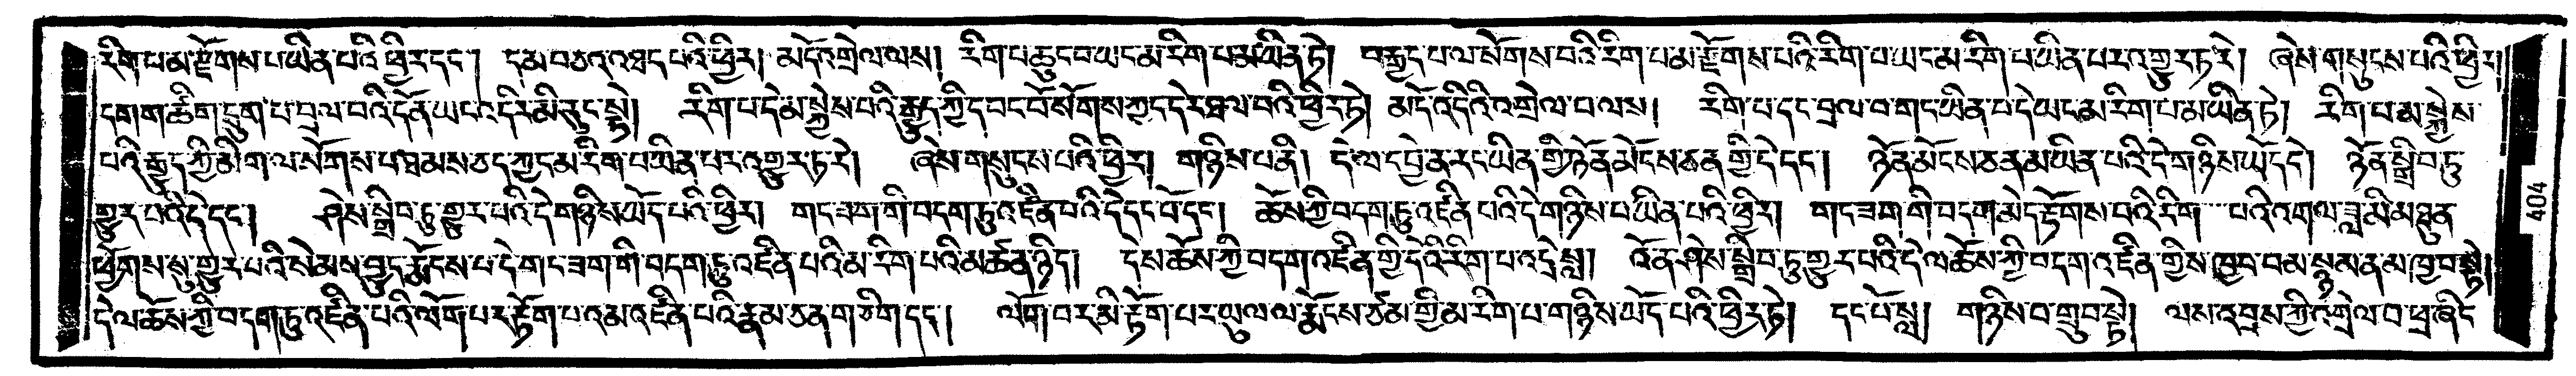རིག་པ་མ་རྫོགས་པ་ཡིན་པའི་ཕྱིར་དང་། དམ་བཅའ་འཐད་པའི་ཕྱིར། མདོ་འགྲེལ་ལས། རིག་པ་ཆུང་བ་ཡང་མ་རིག་པ་མ་ཡིན་ཏེ། བརྒྱད་པ་ལ་སོགས་པའི་རིག་པ་མ་རྫོགས་པའི་རིག་པ་ཡང་མ་རིག་པ་ཡིན་པར་འགྱུར་ཏ་རེ། ཞེས་གསུངས་པའི་ཕྱིར།
དགག་ཚིག་དྲུག་པ་བྲལ་བའི་དོན་ཡང་འདིར་མི་རུང་སྟེ། རིག་པ་དེ་མ་སྐྱེས་པའི་རྒྱུད་ཀྱི་དབང་པོ་སོགས་ཀྱང་དེར་ཐལ་བའི་ཕྱིར་ཏེ། མདོ་འདིའི་འགྲེལ་པ་ལས། རིག་པ་དང་བྲལ་བ་གང་ཡིན་པ་དེ་ཡང་མ་རིག་པ་མ་ཡིན་ཏེ། རིག་པ་མ་སྐྱེས་
པའི་རྒྱུད་ཀྱི་མིག་ལ་སོགས་པ་ཐམས་ཅད་ཀྱང་མ་རིག་པ་ཡིན་པར་འགྱུར་ཏ་རེ། ཞེས་གསུངས་པའི་ཕྱིར། གཉིས་པ་ནི། དེ་ལ་དབྱེ་ན་རང་ཡིན་གྱི་ཉོན་མོངས་ཅན་གྱི་དེ་དང་། ཉོན་མོངས་ཅན་མ་ཡིན་པའི་དེ་གཉིས་ཡོད་དེ། ཉོན་སྒྲིབ་ཏུ་
གྱུར་པའི་དེ་དང་། ཤེས་སྒྲིབ་ཏུ་གྱུར་པའི་དེ་གཉིས་ཡོད་པའི་ཕྱིར། གང་ཟག་གི་བདག་ཏུ་འཛིན་པའི་དེ་དང་པོ་དང་། ཆོས་ཀྱི་བདག་ཏུ་འཛིན་པའི་དེ་གཉིས་པ་ཡིན་པའི་ཕྱིར། གང་ཟག་གི་བདག་མེད་རྟོགས་པའི་རིག་པའི་འགལ་ཟླ་མི་མཐུན་
ཕྱོགས་སུ་གྱུར་པའི་སེམས་བྱུང་རྨོངས་པ་དེ་གང་ཟག་གི་བདག་ཏུ་འཛིན་པའི་མ་རིག་པའི་མཚན་ཉིད། དེས་ཆོས་ཀྱི་བདག་འཛིན་གྱི་དེའི་རིག་པ་འདྲེ་སླ། འོ་ན་ཤེས་སྒྲིབ་ཏུ་གྱུར་པའི་དེ་ལ་ཆོས་ཀྱི་བདག་འཛིན་གྱིས་ཁྱབ་བམ་སྙམ་ན་མ་ཁྱབ་སྟེ།
དེ་ལ་ཆོས་ཀྱི་བདག་ཏུ་འཛིན་པའི་ལོག་པར་རྟོག་པ་འམ་འཛིན་པའི་རྣམ་ཅན་གཅིག་དང་། ལོག་པར་མི་རྟོག་པར་ཡུལ་ལ་རྨོངས་ཙམ་གྱི་མ་རིག་པ་གཉིས་ཡོད་པའི་ཕྱིར་ཏེ། དང་པོ་སླ། གཉིས་པ་གྲུབ་སྟེ། ལས་འབྲས་ཀྱི་འགྲེལ་བ་ཕྲ་ཞིང་